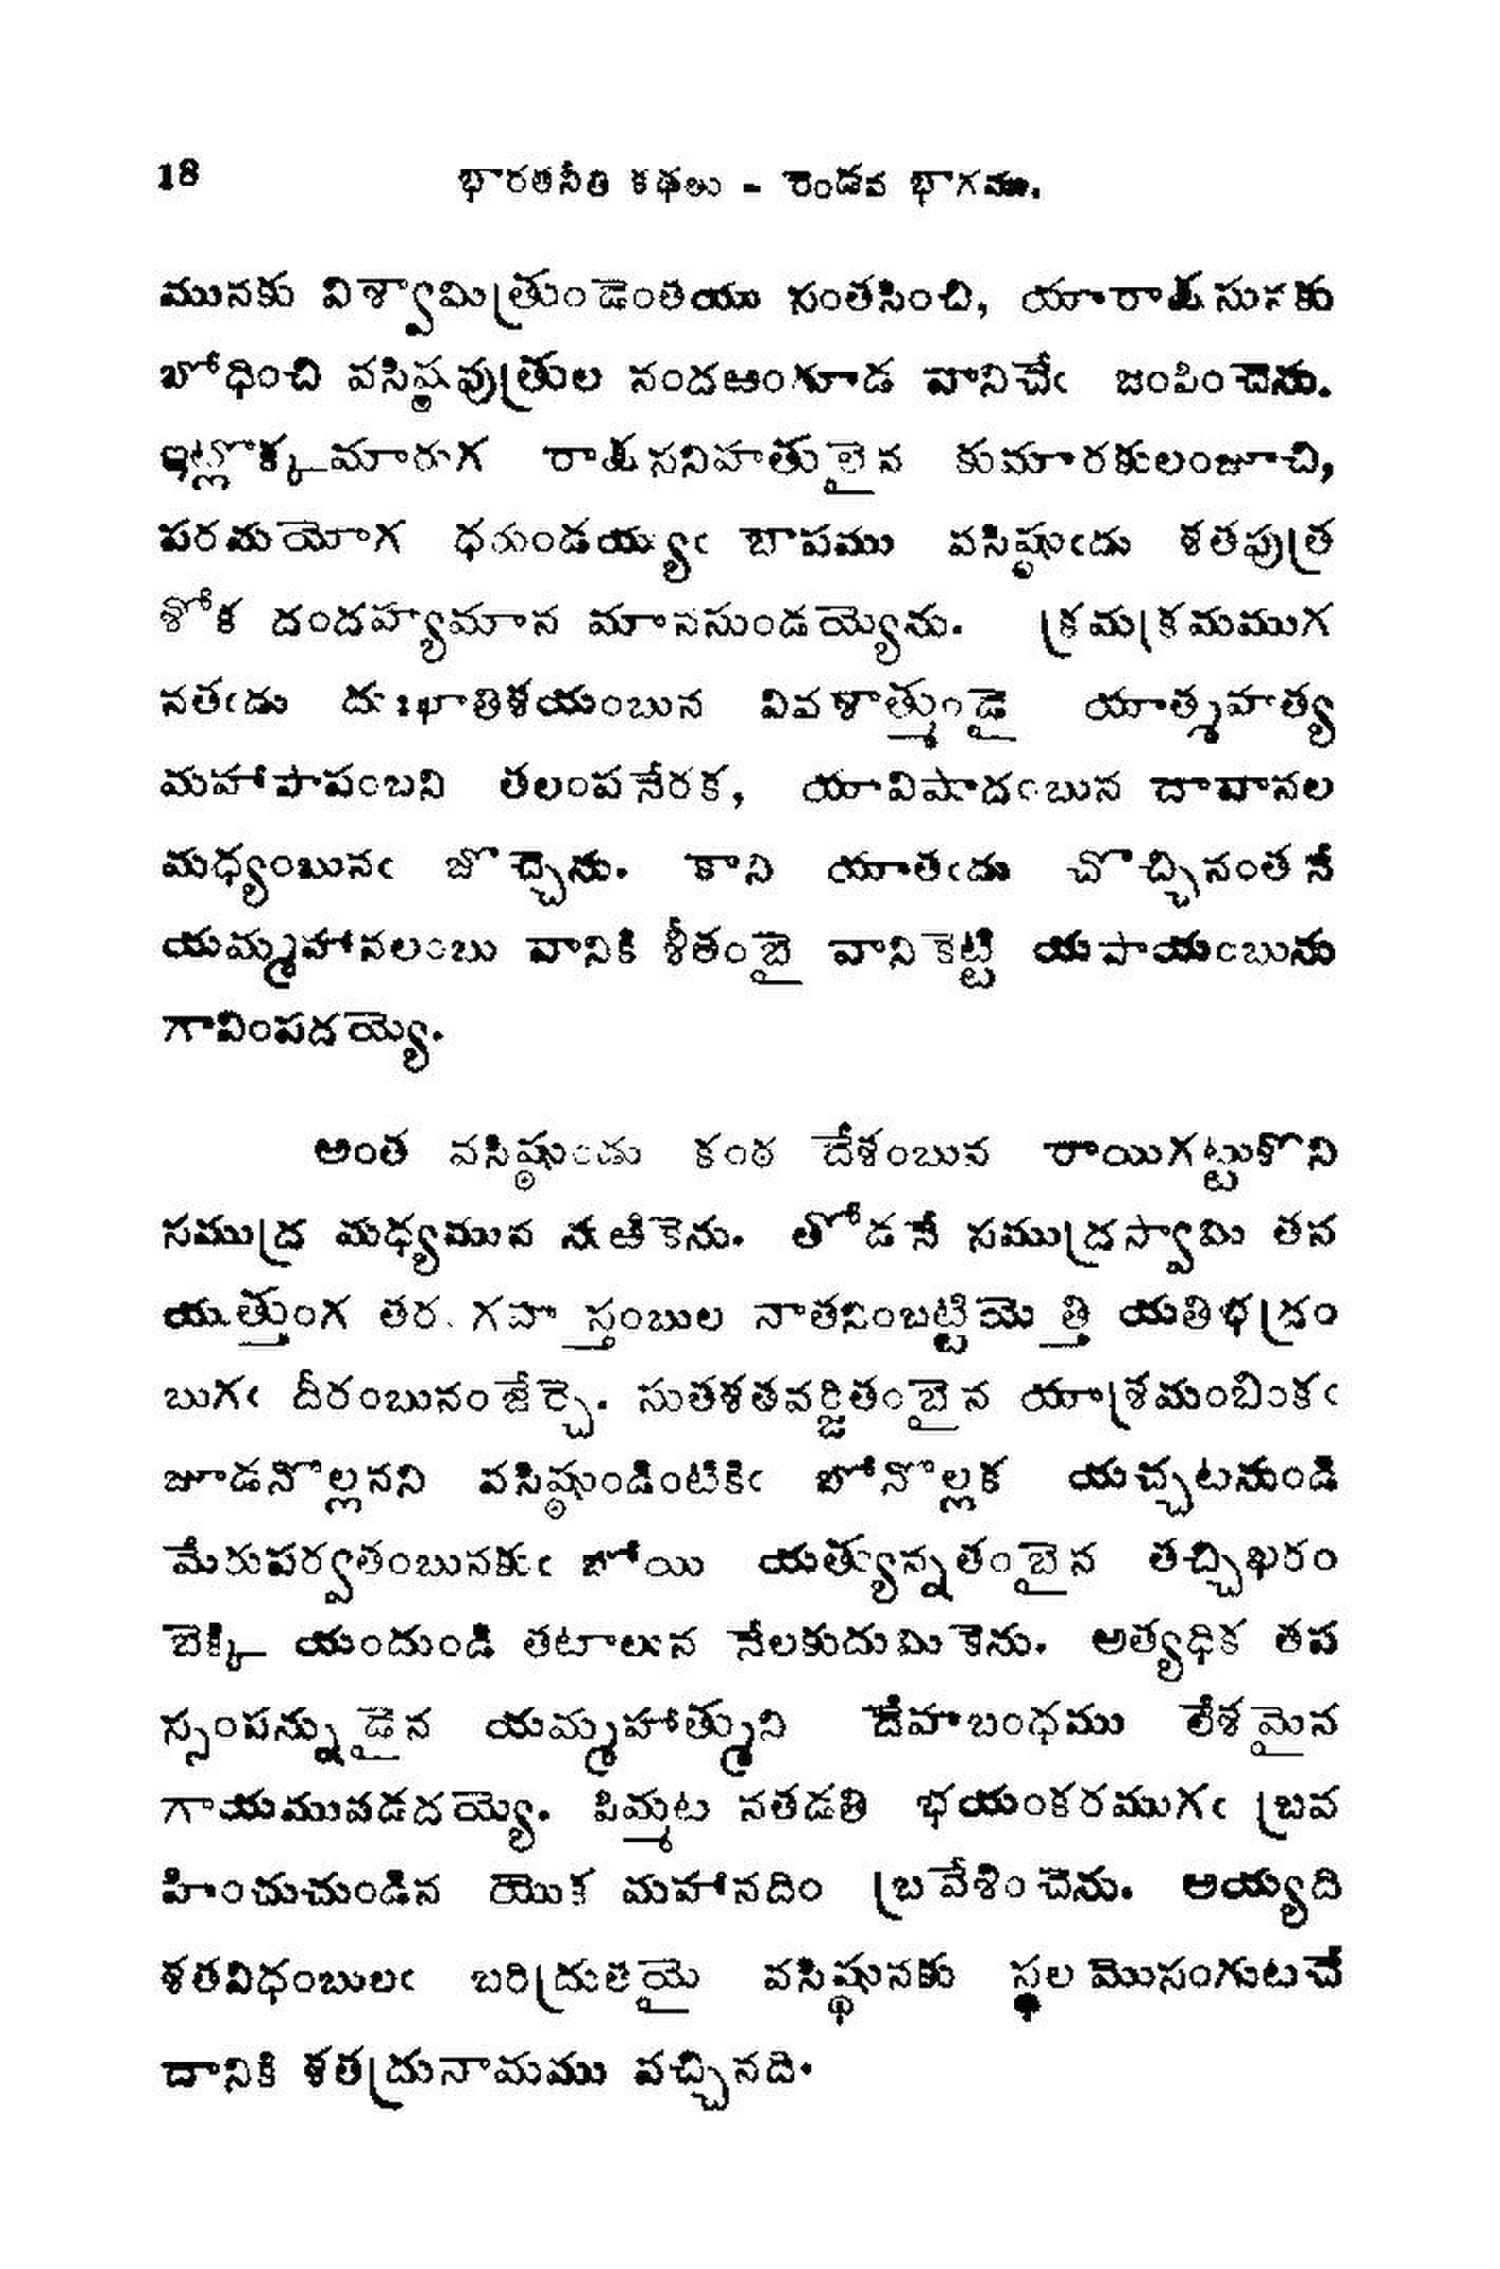మునకు విశ్వామిత్రుండెంతయు సంతసించి, యారాక్షసునకు బోధించి వసిష్ఠవుత్రుల నందఱంగూడ వానిచేఁ జంపించెను. ఇట్లొక్కమారుగ రాక్షసనిహతులైన కుమారకులంజూచి, పరమయోగ ధరుండయ్యుఁ బాపము వసిష్ఠుఁడు శతపుత్ర శోక దందహ్యమాన మానసుండయ్యెను. క్రమక్రమముగ నతఁడు దుఃఖాతిశయంబున వివశాత్ముండై యాత్మహత్య మహాపాపంబని తలంపనేరక, యావిషాదంబున దావానల మధ్యంబునఁ జొచ్చెను. కాని యాతఁడు చొచ్చినంతనే యమ్మహావలంబు వానికి శీతంబై వాని కెట్టి యపాయంబును గావింపదయ్యె.

అంత వసిష్ఠుండు కంఠ దేశంబున రాయిగట్టుకొని సముద్ర మధ్యమున నుఱికెను. తోడనే సముద్రస్వామి తన యుత్తుంగ తరంగహస్తంబుల నాతనింబట్టియెత్తి యతిభద్రంబుగఁ దీరంబునంజేర్చె. సుతశతవర్జితంబైన యాశ్రమంబికఁ జూడనొల్లనని వసిష్ఠుండింటికిఁ బోనొల్లక యచ్చటనుండి మేరుపర్వతంబునకుఁ బోయి యత్యున్నతంబైన తచ్చిఖరంబెక్కి యందుండి తటాలున నేలకుదుమికెను. అత్యధిక తపస్సంపన్నుడైన యమ్మహాత్ముని దేహబంధము లేశమైన గాయమువడదయ్యె. పీమ్మట నతడతి భయంకరముగఁ బ్రవహించుచుండిన యొక మహానదిం బ్రవేశించెను. అయ్యది శతవిధంబులఁ బరిద్రుతయై వసిష్ఠునకు స్థల మొసంగుటచే దానికి శతద్రునామము వచ్చినది.